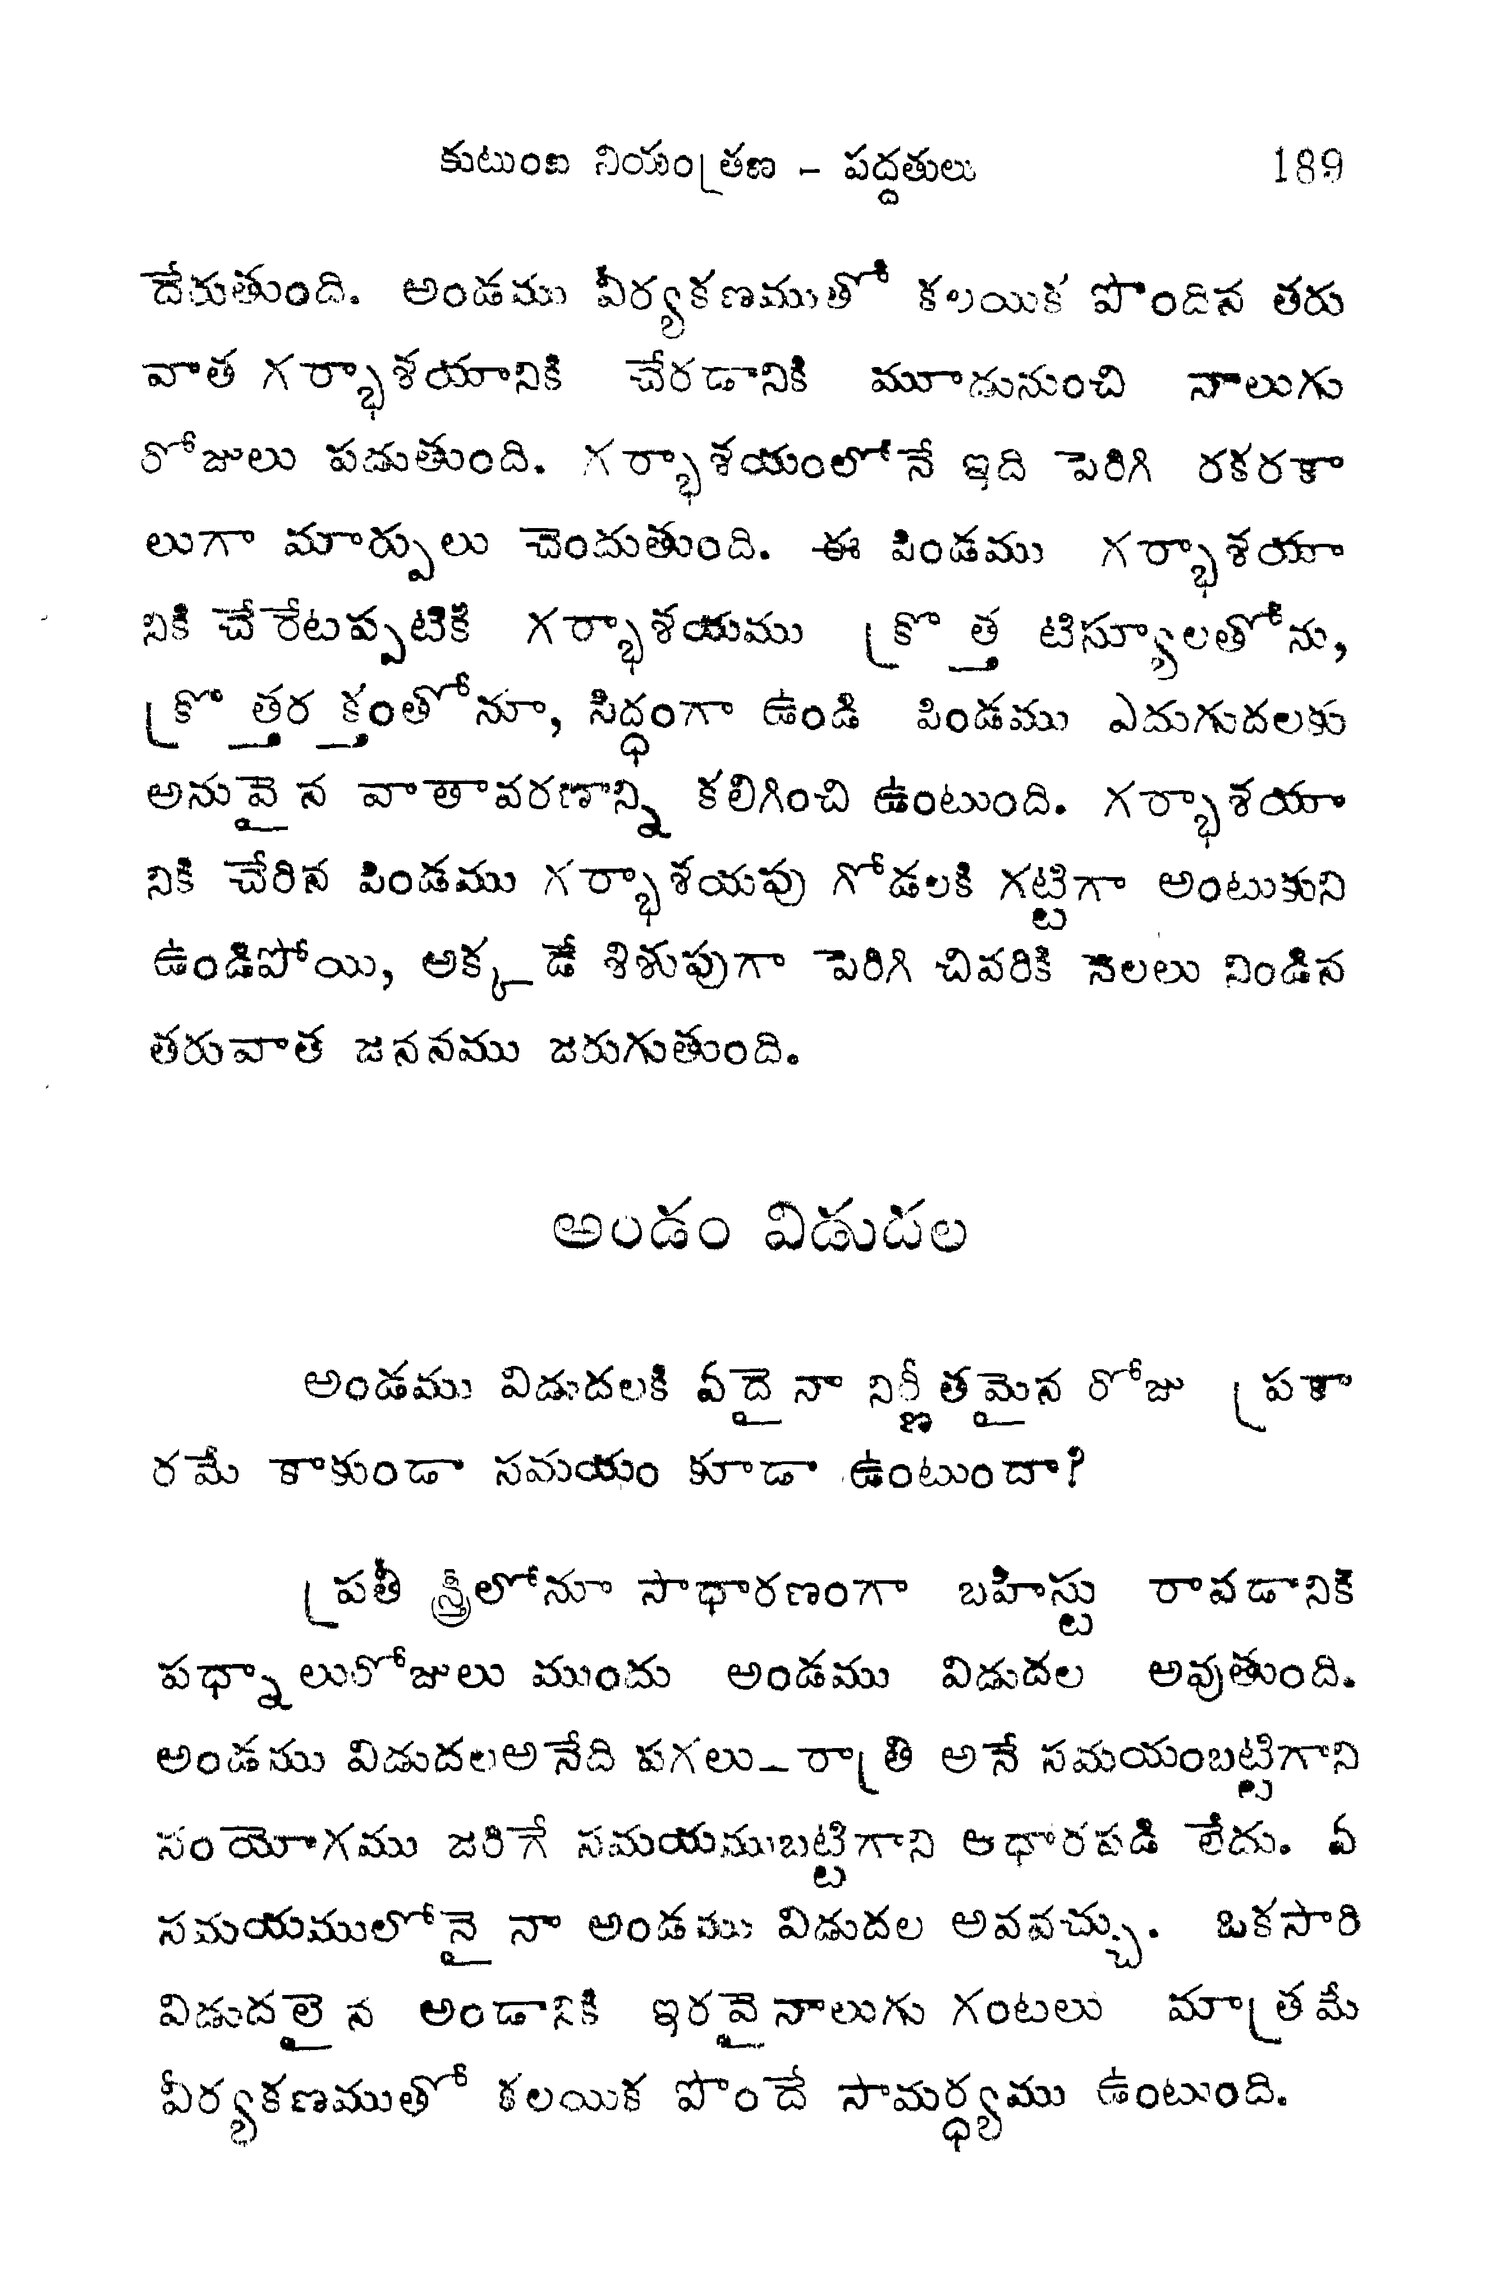దేరుతుంది. అండము వీర్యకణముతో కలయిక పొందిన తరువాత గర్భాశయానికి చేరడానికి మూడునుంచి నాలుగు రోజులు పడుతుంది. గర్భాశయంలోనే ఇది పెరిగి రకరకాలుగా మార్పులు చెందుతుంది. ఈ పిండము గర్బాశయానికి చేరేటప్పటికి గర్భాశయము క్రొత్త టిస్యూలతోను, క్రొత్తరక్తంతోనూ, సిద్ధంగా ఉండి పిండము ఎదుగుదలకు అనువైన వాతావరణాన్ని కలిగించి ఉంటుంది. గర్భాశయానికి చేరిన పిండము గర్భాశయపు గొడలకి గట్టిగా అంటుకుని ఉండిపోయి, అక్కడే శిశువుగా పెరిగి చివరికి నెలలు నిండిన తరువాత జననము జరుగుతుంది.

అండము విదుదలకి ఏదైనా నిర్ణీతమైన రోజు ప్రకారమే కాకుండా సమయం కూడా ఉంటుందా?

ప్రతీ స్త్రీలోనూ సాధారణంగా బహిష్టు రావడానికి పధ్నాలురోజులు ముందు అండము విడుదల అవుతుంది. అండము విడుదలనేది పగలు-రాత్రి అనే సమయంబట్టిగాని సంయోగము జరిగే సమయమునుబట్టిగాని ఆధారపడి లేదు. ఏ సమయములోనైనా అండము విడుదల అవవచ్చు. ఒకసారి విడుదలైన అండానికి ఇరవైనాలుగు గంటలు మాత్రమే వీర్యకణముతో కలయిక పొందే సామర్ధ్యము ఉంటుంది.